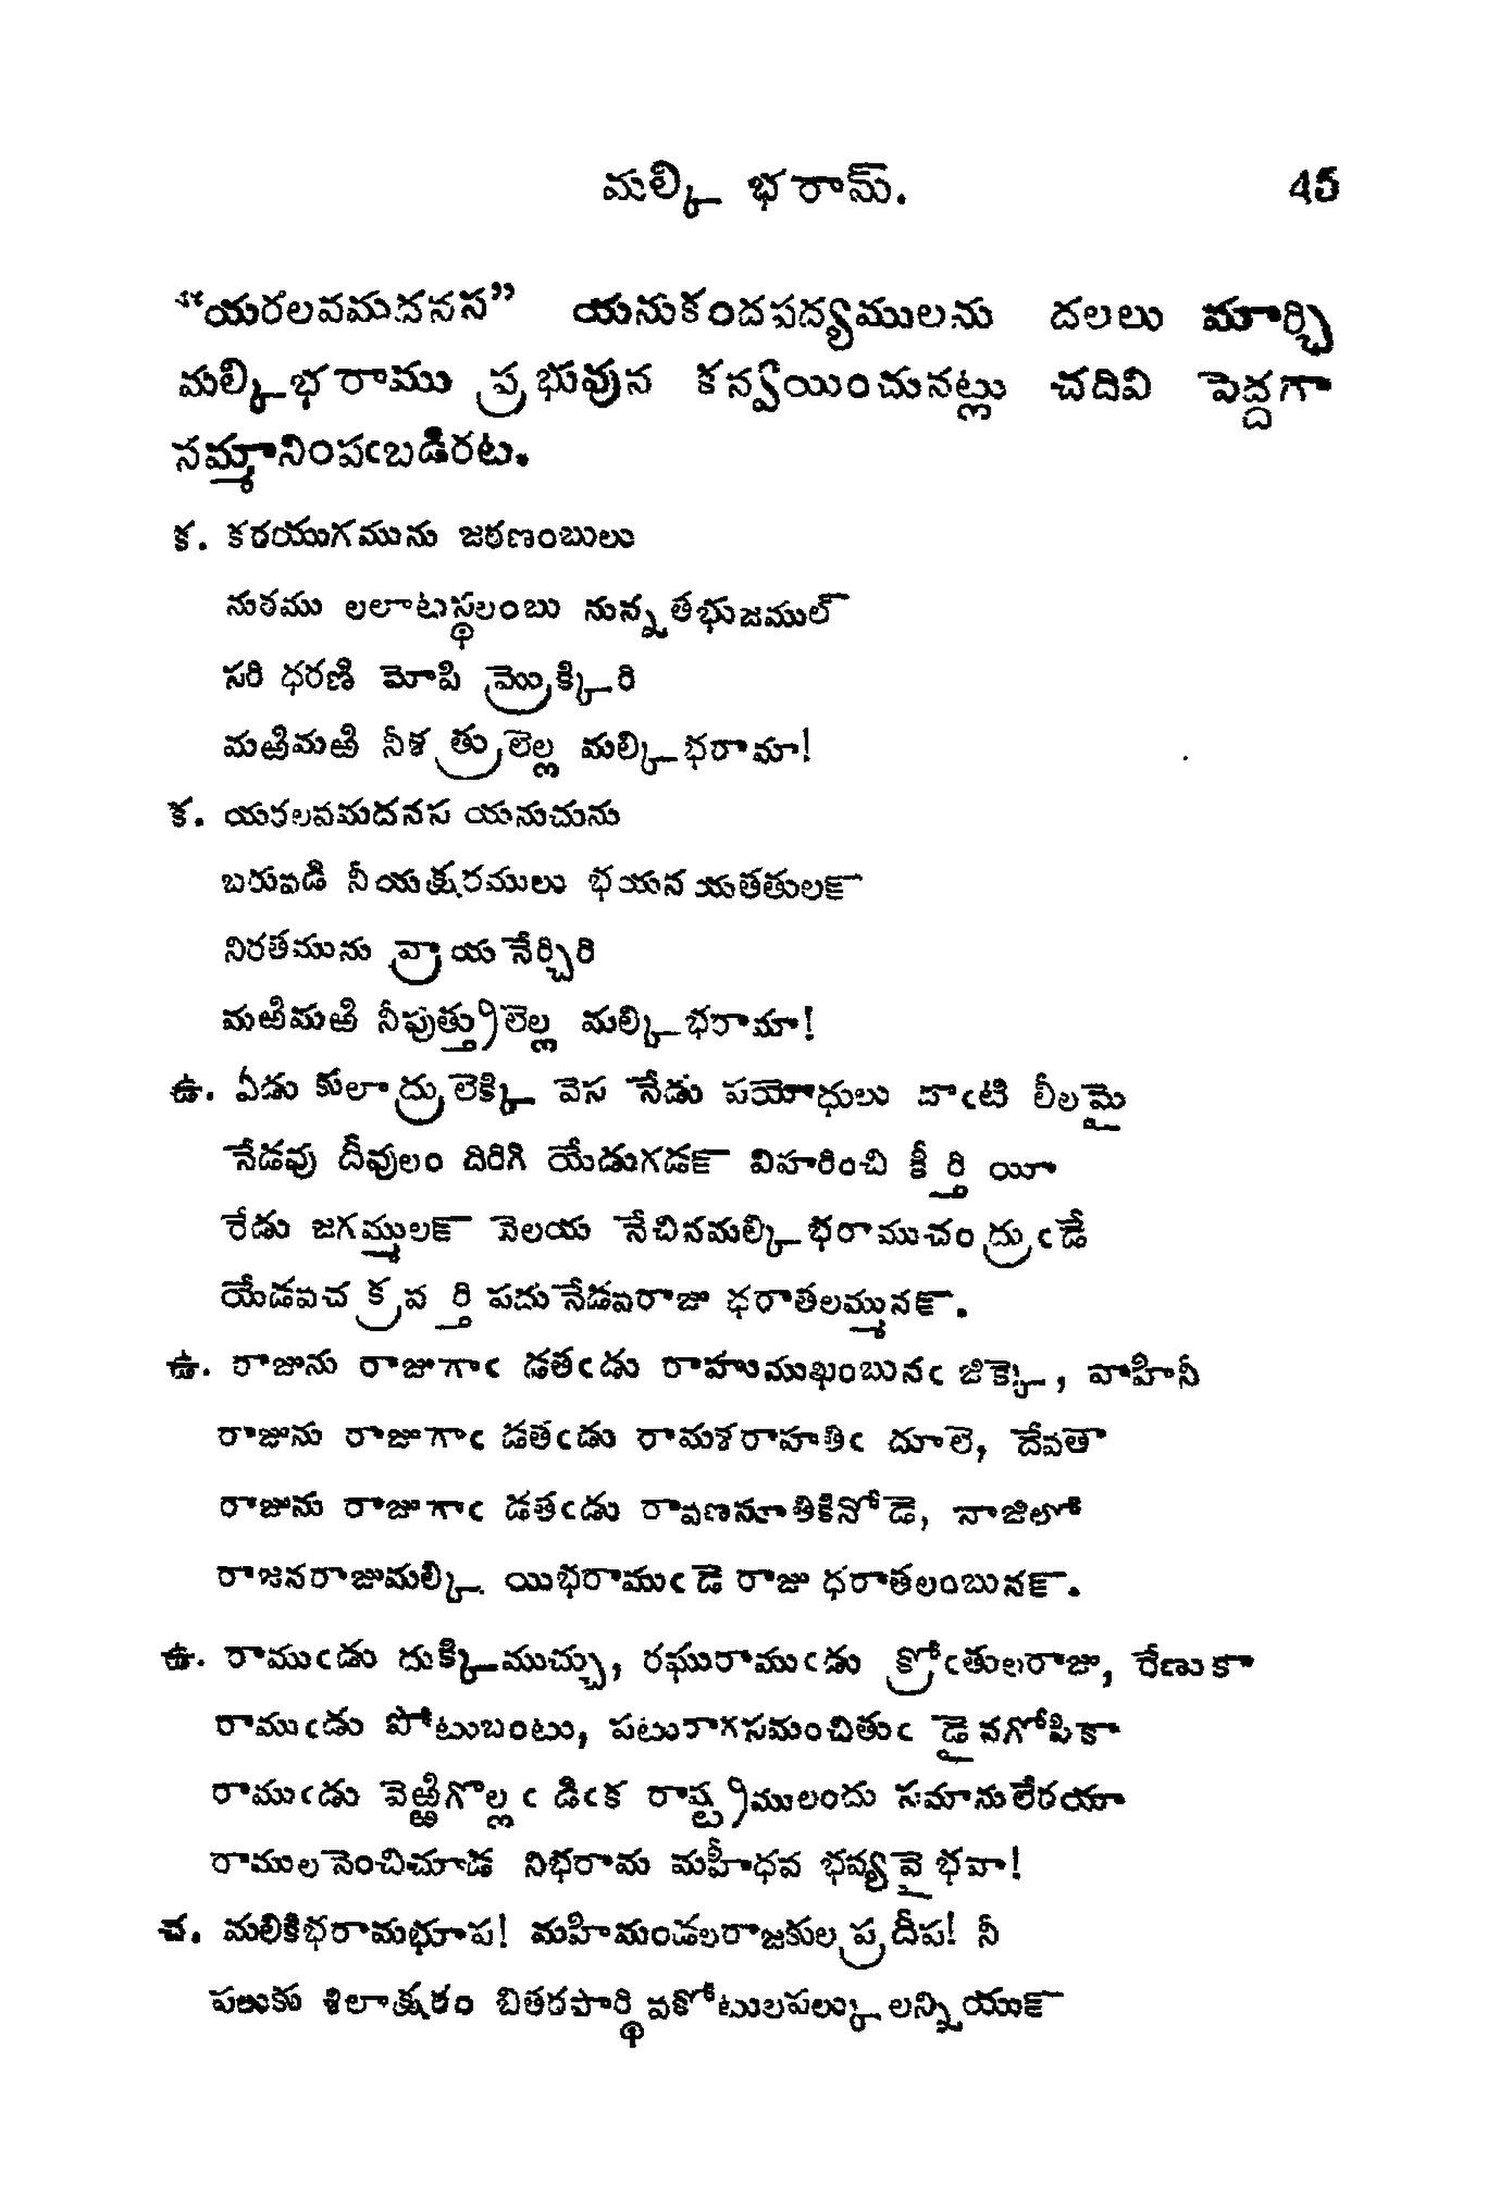“యరలవమదనస”యను కందపద్యములను దలలు మార్చి మల్కిభరాము ప్రభువున కన్వయించునట్లు చదివి పెద్దగా సమ్మానింపఁబడిరఁట.
క. కరయుగమును జరణంబులు
 నురము లలాటస్థలంబు నున్నతభుజముల్
 సరి ధరణి మోసి మ్రొక్కిరి
 మఱిమఱి నీశత్రులెల్ల మల్కిభరామా!
క. యరలవమదనస యనుచును
 బరుపడి నీయక్షరములు భయనయతతులన్
 నిరతమును వ్రాయనేర్చిరి
 మఱిమఱి నీపుత్త్రులెల్ల మల్కిభరామా!
ఉ. ఏడు కులాద్రు లెక్కి వెస నేడు పయోధులు దాఁటి లీలమై
 నేడవు దీవులం దిరిగి యేడుగడన్ విహరించి కీర్తి యీ
 రేడు జగమ్ములన్ వెలయ నేచిన మల్కిభరాముచంద్రుఁ డే
 యేడవచక్రవర్తి పదునేడవరాజు ధరాతలమ్మునన్.
ఉ. రాజును రాజుగాఁ డతఁడు రాహుముఖంబునఁ జిక్కె, వాహినీ
 రాజును రాజుగాఁ డతఁడు రామశరాహతిఁ దూలె, దేవతా
 రాజును రాజుగాఁ డతఁడు రావణసూతికి నోడె, నాజిలో
 రాజనరాజు మల్కి యిభరాముఁడె రాజు ధరాతలంబునన్.
ఉ. రాముఁడు దుక్కిముచ్చు, రఘురాముఁడు క్రోఁతులరాజు, రేణుకా
 రాముఁడు పోటుబంటు, పటురాగసమంచితుఁ డైనగోపికా
 రాముఁడు వెఱ్ఱిగొల్లఁ డిఁక రాష్ట్రములందు సమానులేరయా
 రాముల నెంచిచూడ నిభరామ మహీధవ భవ్యవైభవా.
చ. మలికిభరామభూప! మహిమండలరాజకులప్రదీప! నీ
 పలుకు శిలాక్షరం బితరపార్థివకోటులపల్కులన్నియున్